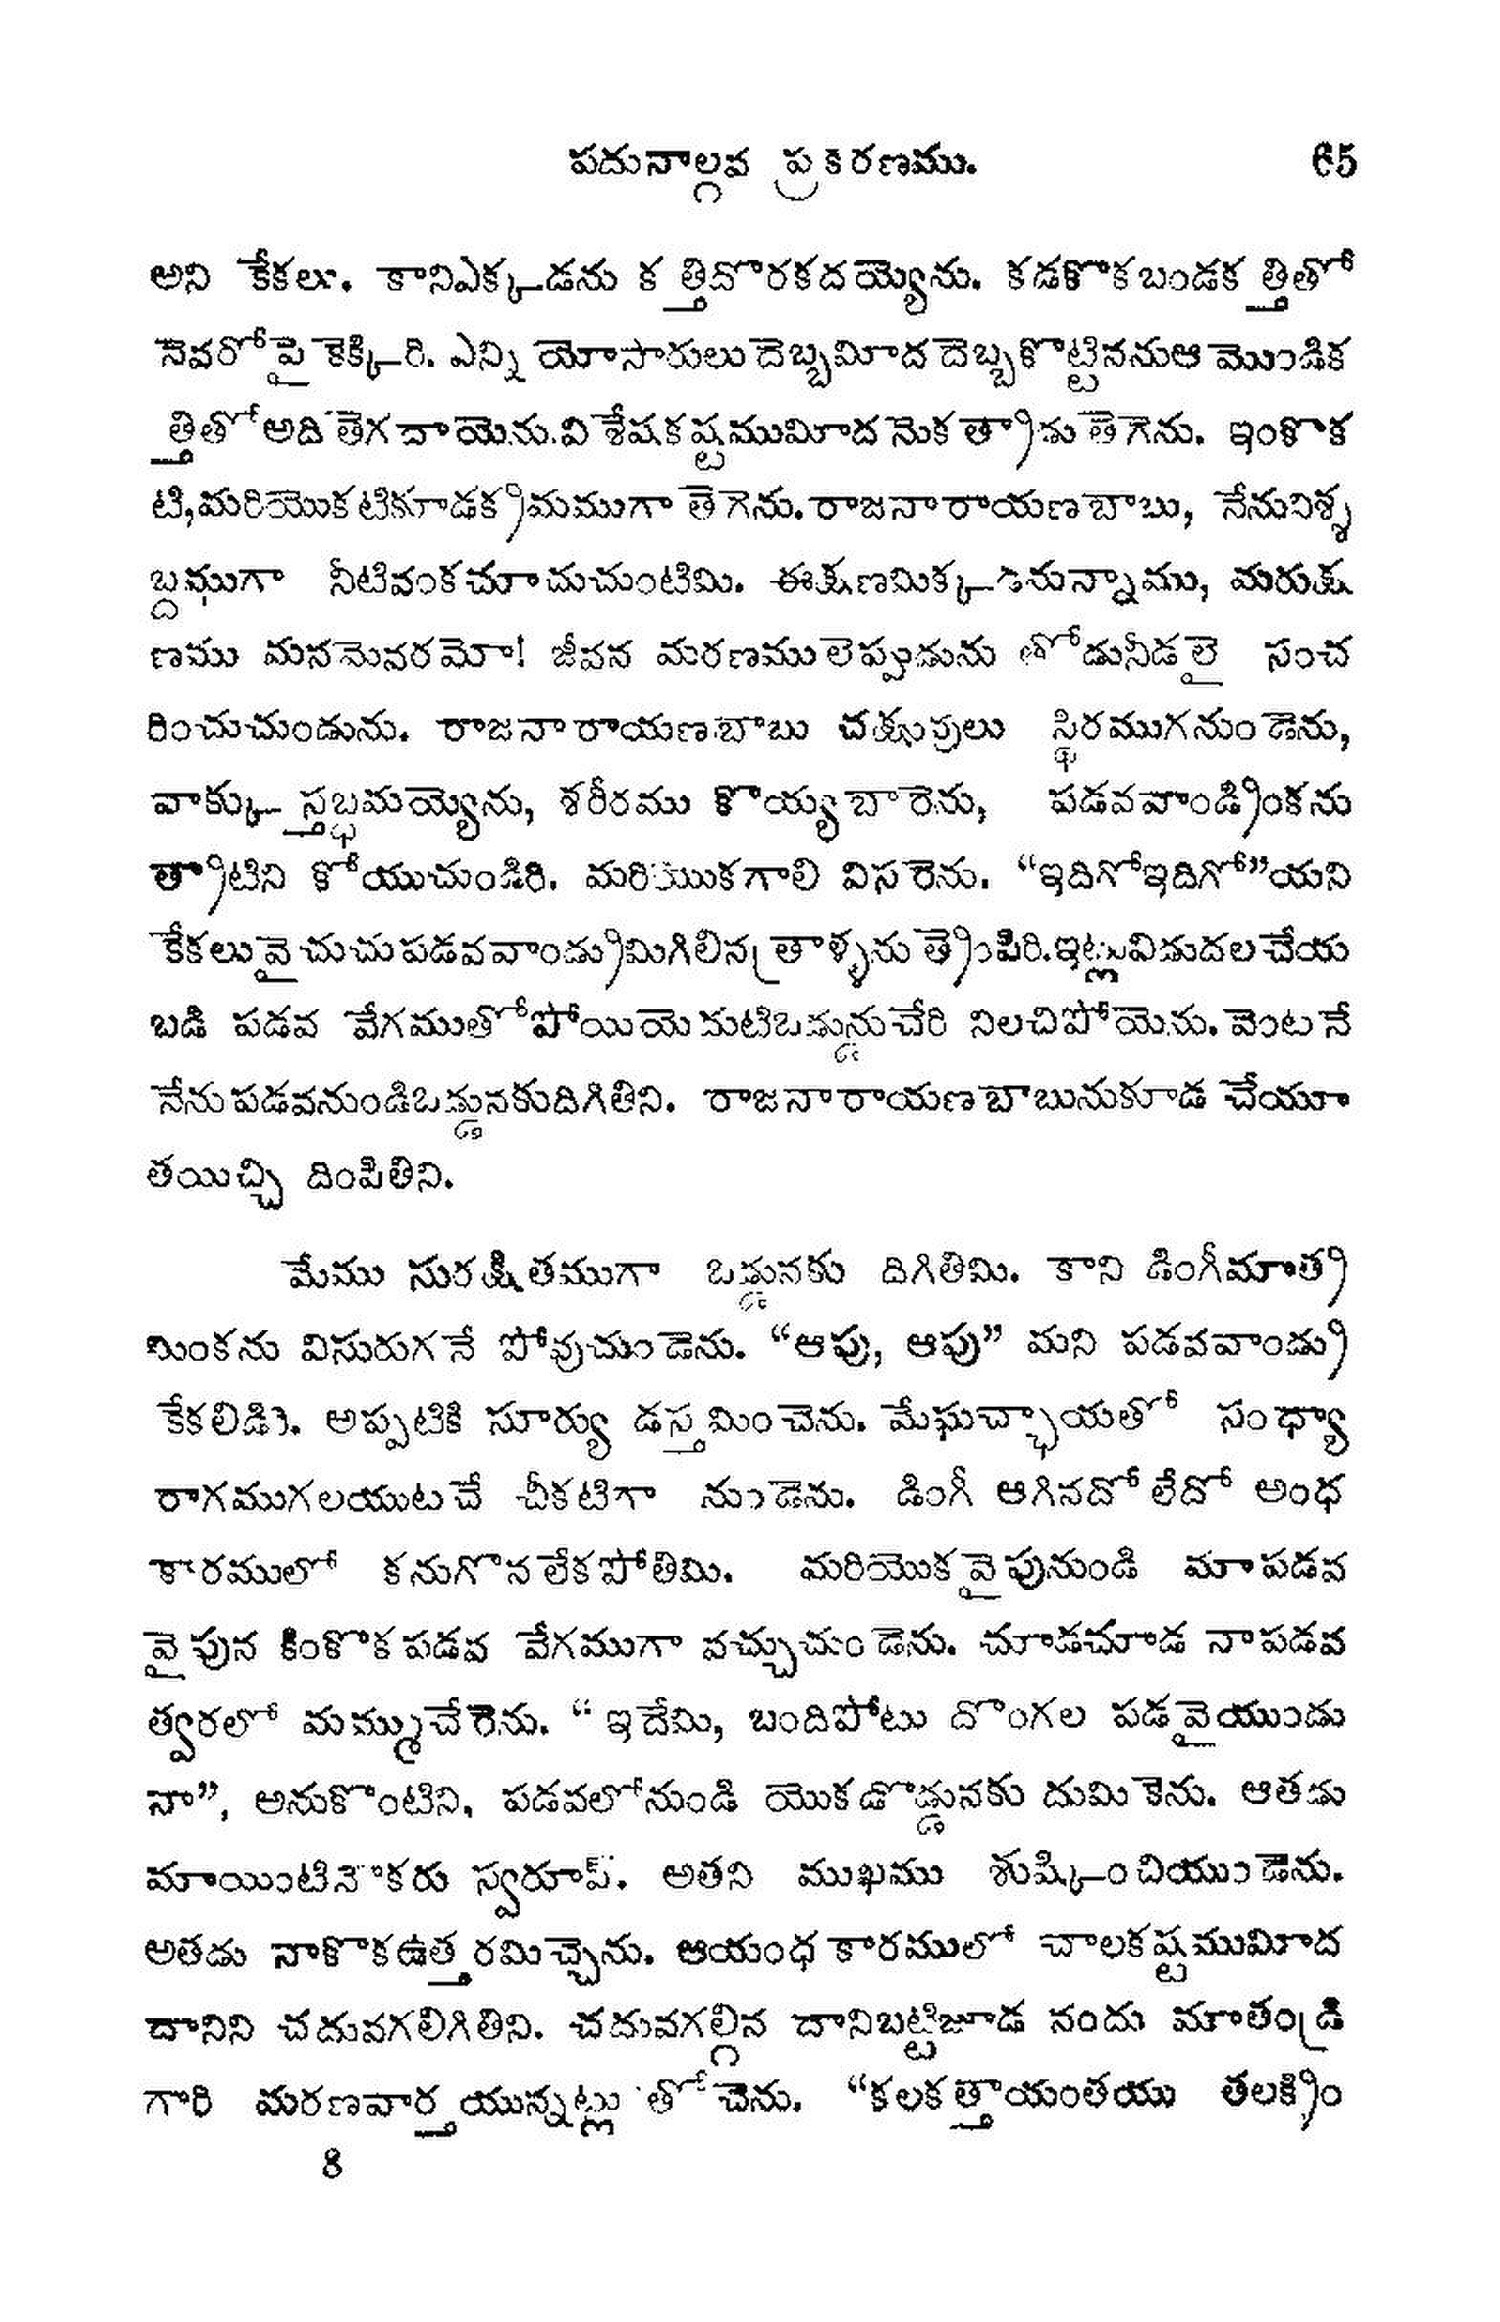అని కేకలు". కానిఎక్కడను కత్తిదొరకదయ్యెను. కడకొక బండకత్తితో
నెవరో పై కెక్కిరి. ఎన్ని యోసారులు దెబ్బ మీద దెబ్బ కొట్టినను ఆ 
మొండి కత్తితో అది తెగదాయెను.విశేషకష్టముమీద ఒక తాడు తెగెను. ఇంకొక
టి, మరియొకటి కూడ క్రమముగా తెగెను. రాజనారాయణ బాబు, నేను నిశ్శబముగా నీటివంక చూచుచుంటిమి. ఈక్షణమిక్కడ నున్నాము, మరుక్షణము మన మెవర మో! జీవన మరణము లెప్పుడును తోడునీడ లై సంచరించుచుండును. రాజ నారాయణ 
బాబు చక్షువులు స్థిరముగనుండెను, వాక్కు స్తబ్ధమయ్యెను,శరీరము కొయ్య బారెను, పడవవాండ్రింకను తాటిని గోయుచుండిరి. మరి యొక గాలి విసరెను. “ఇదిగో ఇదిగో” యనికేకలు వైచుచు పడవ వాండ్లు మిగిలిన త్రాళ్ళను తెంపిరి.ఇట్లు విడుదల చేయబడి పడవ వేగముతో పోయియెదుటి వడ్డును చేరి నిలచిపోయెను. వెంటనే నేను పడవనుండి ఒడ్డునకు దిగితిని. 'రాజనారాయణ బాబునుకూడ చేయూతయిచ్చి దింపితిని.మేము సురక్షితముగా ఒడ్డునకు దిగితిమి. కాని ఉంగీమాత్ర మింకను విసురుగనే పోవుచుండెను. “ఆపు, ఆపు” మని పడవవాండ్రు కేకలిడిరి. అప్పటికి సూర్యు డస్తమించెను. మేఘచ్ఛాయతో సంధ్యారాగముగలయుటచే చీకటిగా నుండెను. డింగీ ఆగినదో లేదో అంధకారములో కనుగొన లేకపోతిమి. మరియొక వైపునుండి మాపడవవైపున కింకొక పడవ వేగముగా వచ్చుచుండెను. చూడచూడ నాపడప త్వరలో మమ్ముచేరెను. " ఇదేమి, బందిపోటు దొంగల పడవై యుండు
నా”, అనుకొంటిని, పడవలోనుండి యొక డొడ్డునకు దుమికెను. ఆతడుమాయింటి నౌకరు స్వరూప్. అతని ముఖము శుష్కించియుండెను.అతడు నాకొక ఉత్త రమిచ్చెను. ఆయంధ కారములో చాలకష్టముమీదదానిని చదువగలిగితిని. చదువగల్గిన దాని బట్టి జూడ నందు మాతండ్రి గారి మరణవార్త యున్నట్లు తోచెను. “కలకత్తాయంతయు తలక్రిం